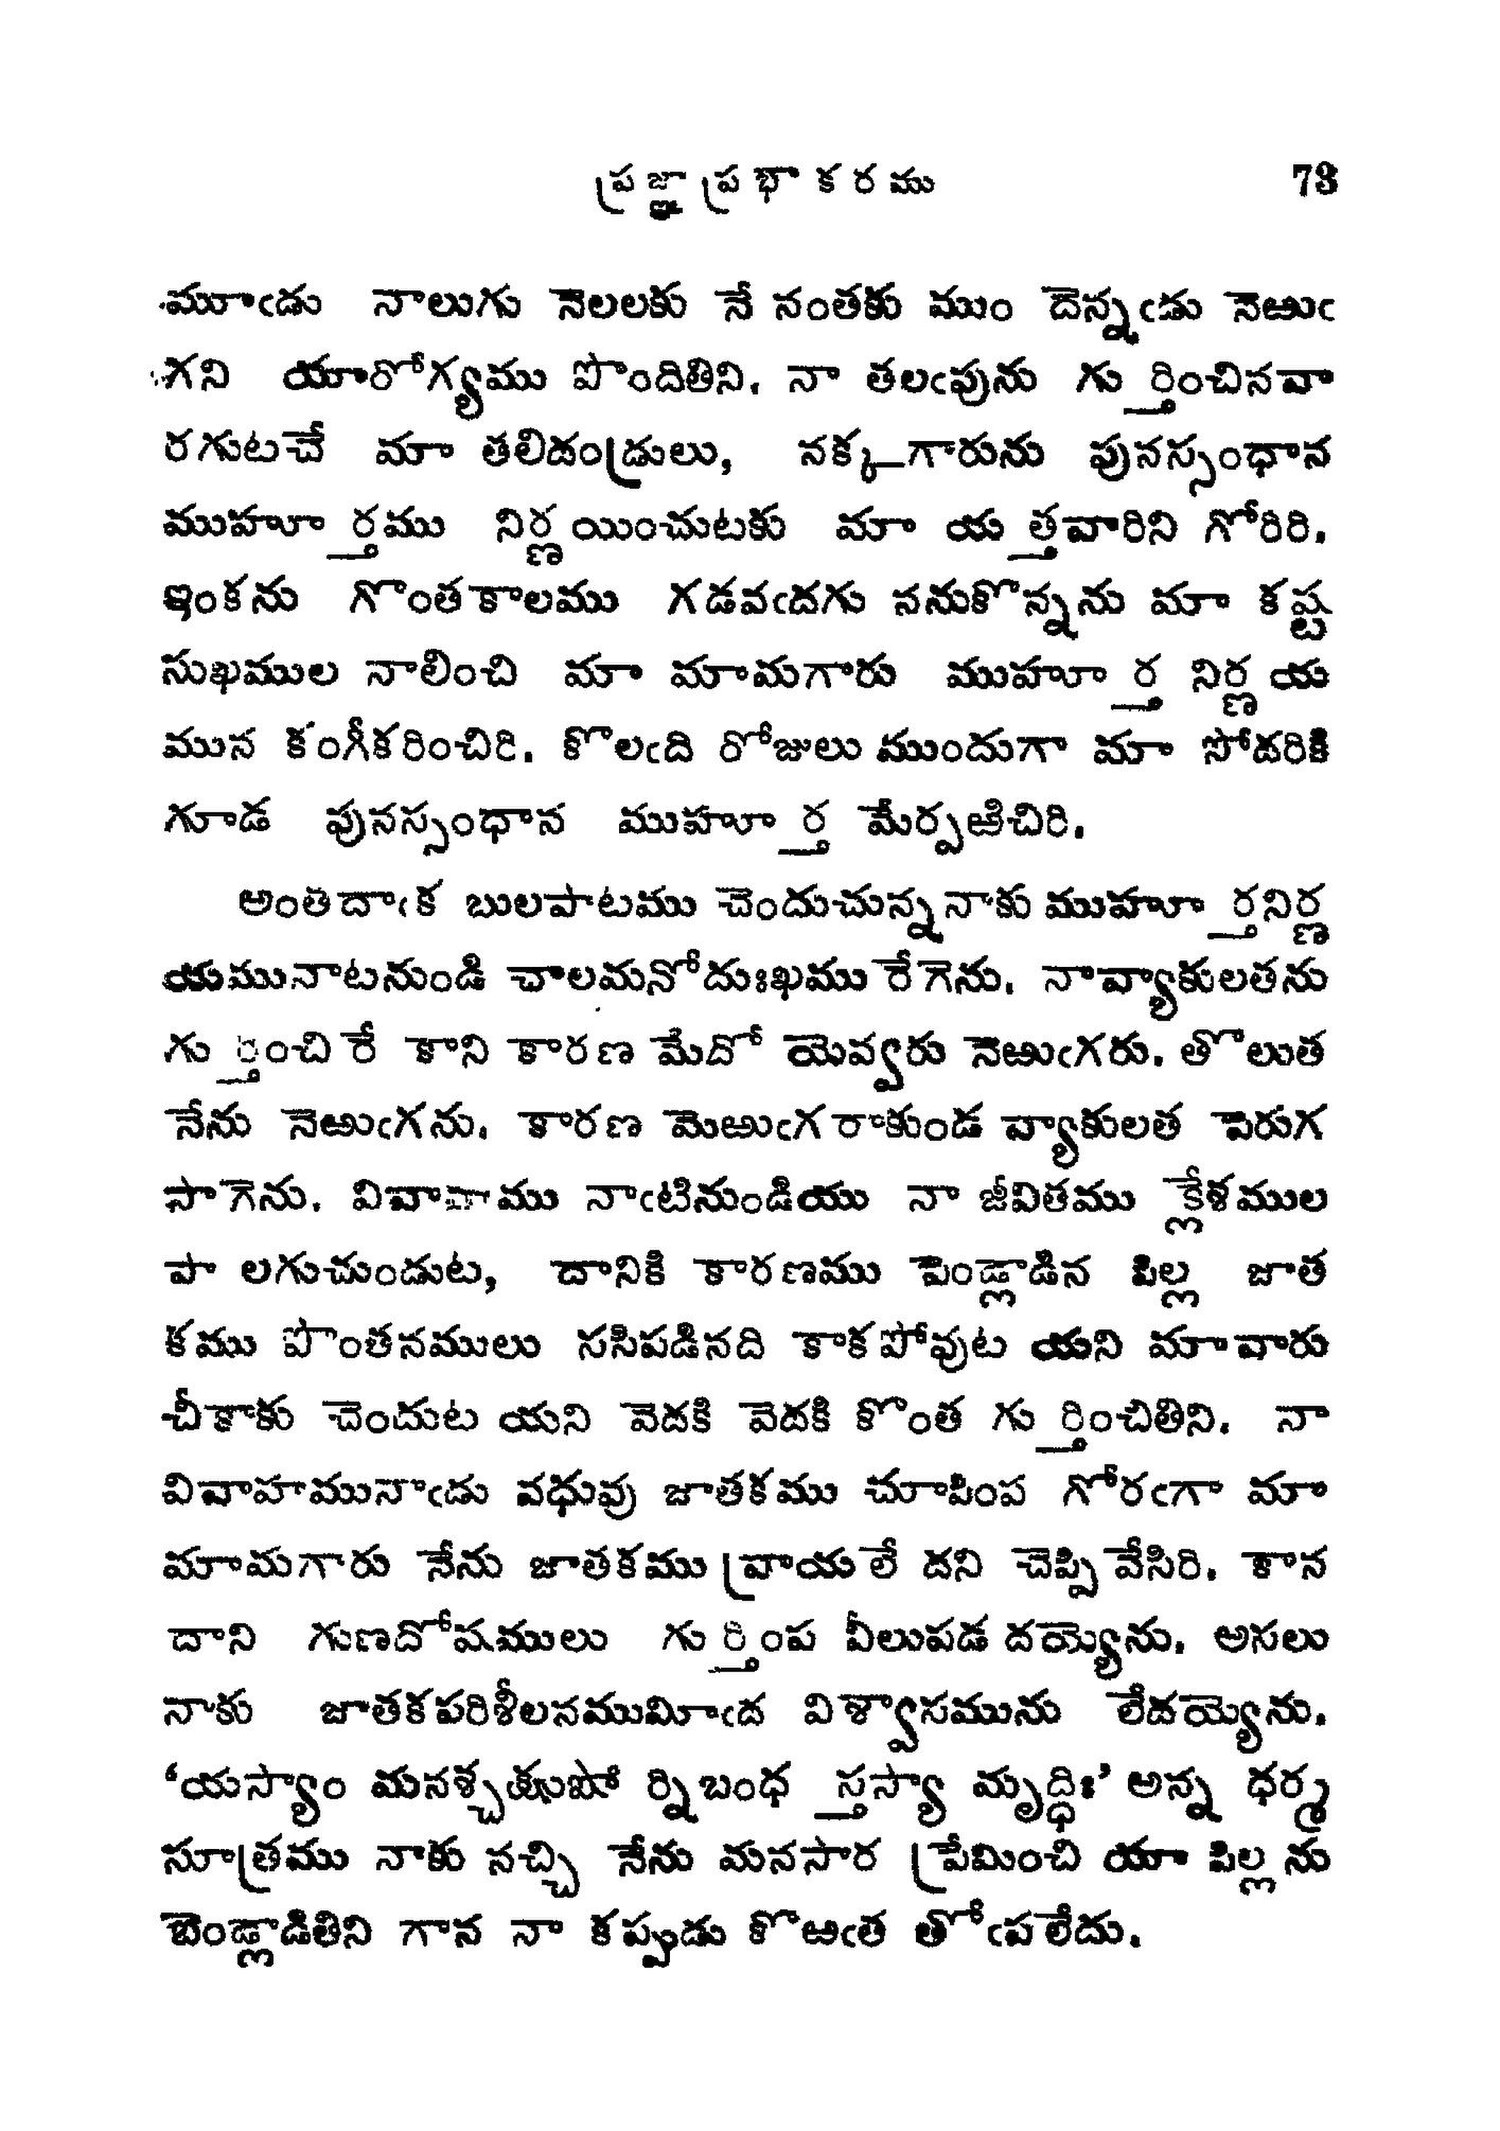మూఁడు నాలుగు నెలలకు నే నంతకు ముం దెన్నఁడు నెఱుఁగని యారోగ్యము పొందితిని. నా తలఁ పున గుర్తించినవారగుటచే మా తలిదండ్రులు, నక్కగారు పునస్సంధాన ముహూర్తము నిర్ణయించుటకు మా యత్తవారిని గోరిరి. ఇంకను గొంత కాలము మా మామగారు ముహూర్త నిర్ణయమున కంగీకరించిరి. కొలఁది రోజులు ముందుగా మా సోదరికి గూడ పునస్సంధాన ముహూర్త మేర్పఱచిరి.

అంతదాఁక బులపాటము చెందుచున్న నాకు ముహూర్త నిర్ణయము నాటనుండి చాల మనోదుఃఖము రేగెను. నా వ్యాకులతను గుర్తించి రేకానికారణమేదోయెవ్వరునెఱుఁగరు. తొలుత నేను నెఱుఁగను. కారణ మెఱుఁగ రాకుండ వ్యాకులత పెరుగసాగెను. వివాహము నాఁటి నుండియు నా జీవితము క్లేశముల పాలగుచుండుట, దానికి కారణము పెండ్లాడిన పిల్ల జాతకముపొంతనములు ససిపడినవి కాకపోవుట యని మావారు చీకాకు చెందుట యని వెదకి వెదకి కొంత గుర్తించితిని. నా వివాహము నాఁడు వధువు జాతకము చూపింప గోరఁగా మా మామగారు నేను జాతకము వ్రాయ లేదని చెప్పి వేసిరి. కాన దాని గుణదోషములు గుర్తింప వీలుపడదయ్యెను. అసలు నాకు జాతక పరిశీలనము మీద విశ్వాసము లేదయ్యెను.' యస్యాం మనశ్చక్షుషోర్నిబంధ స్తస్యా మృద్దిః ' అన్న ధర్మసూత్రము నాకు నవ్వ్హి నేను మనసార ప్రేమించి యా పిల్లను బెండ్లాడితిని గాన నా కప్పుడు కొఱఁత తోఁపలేదు.